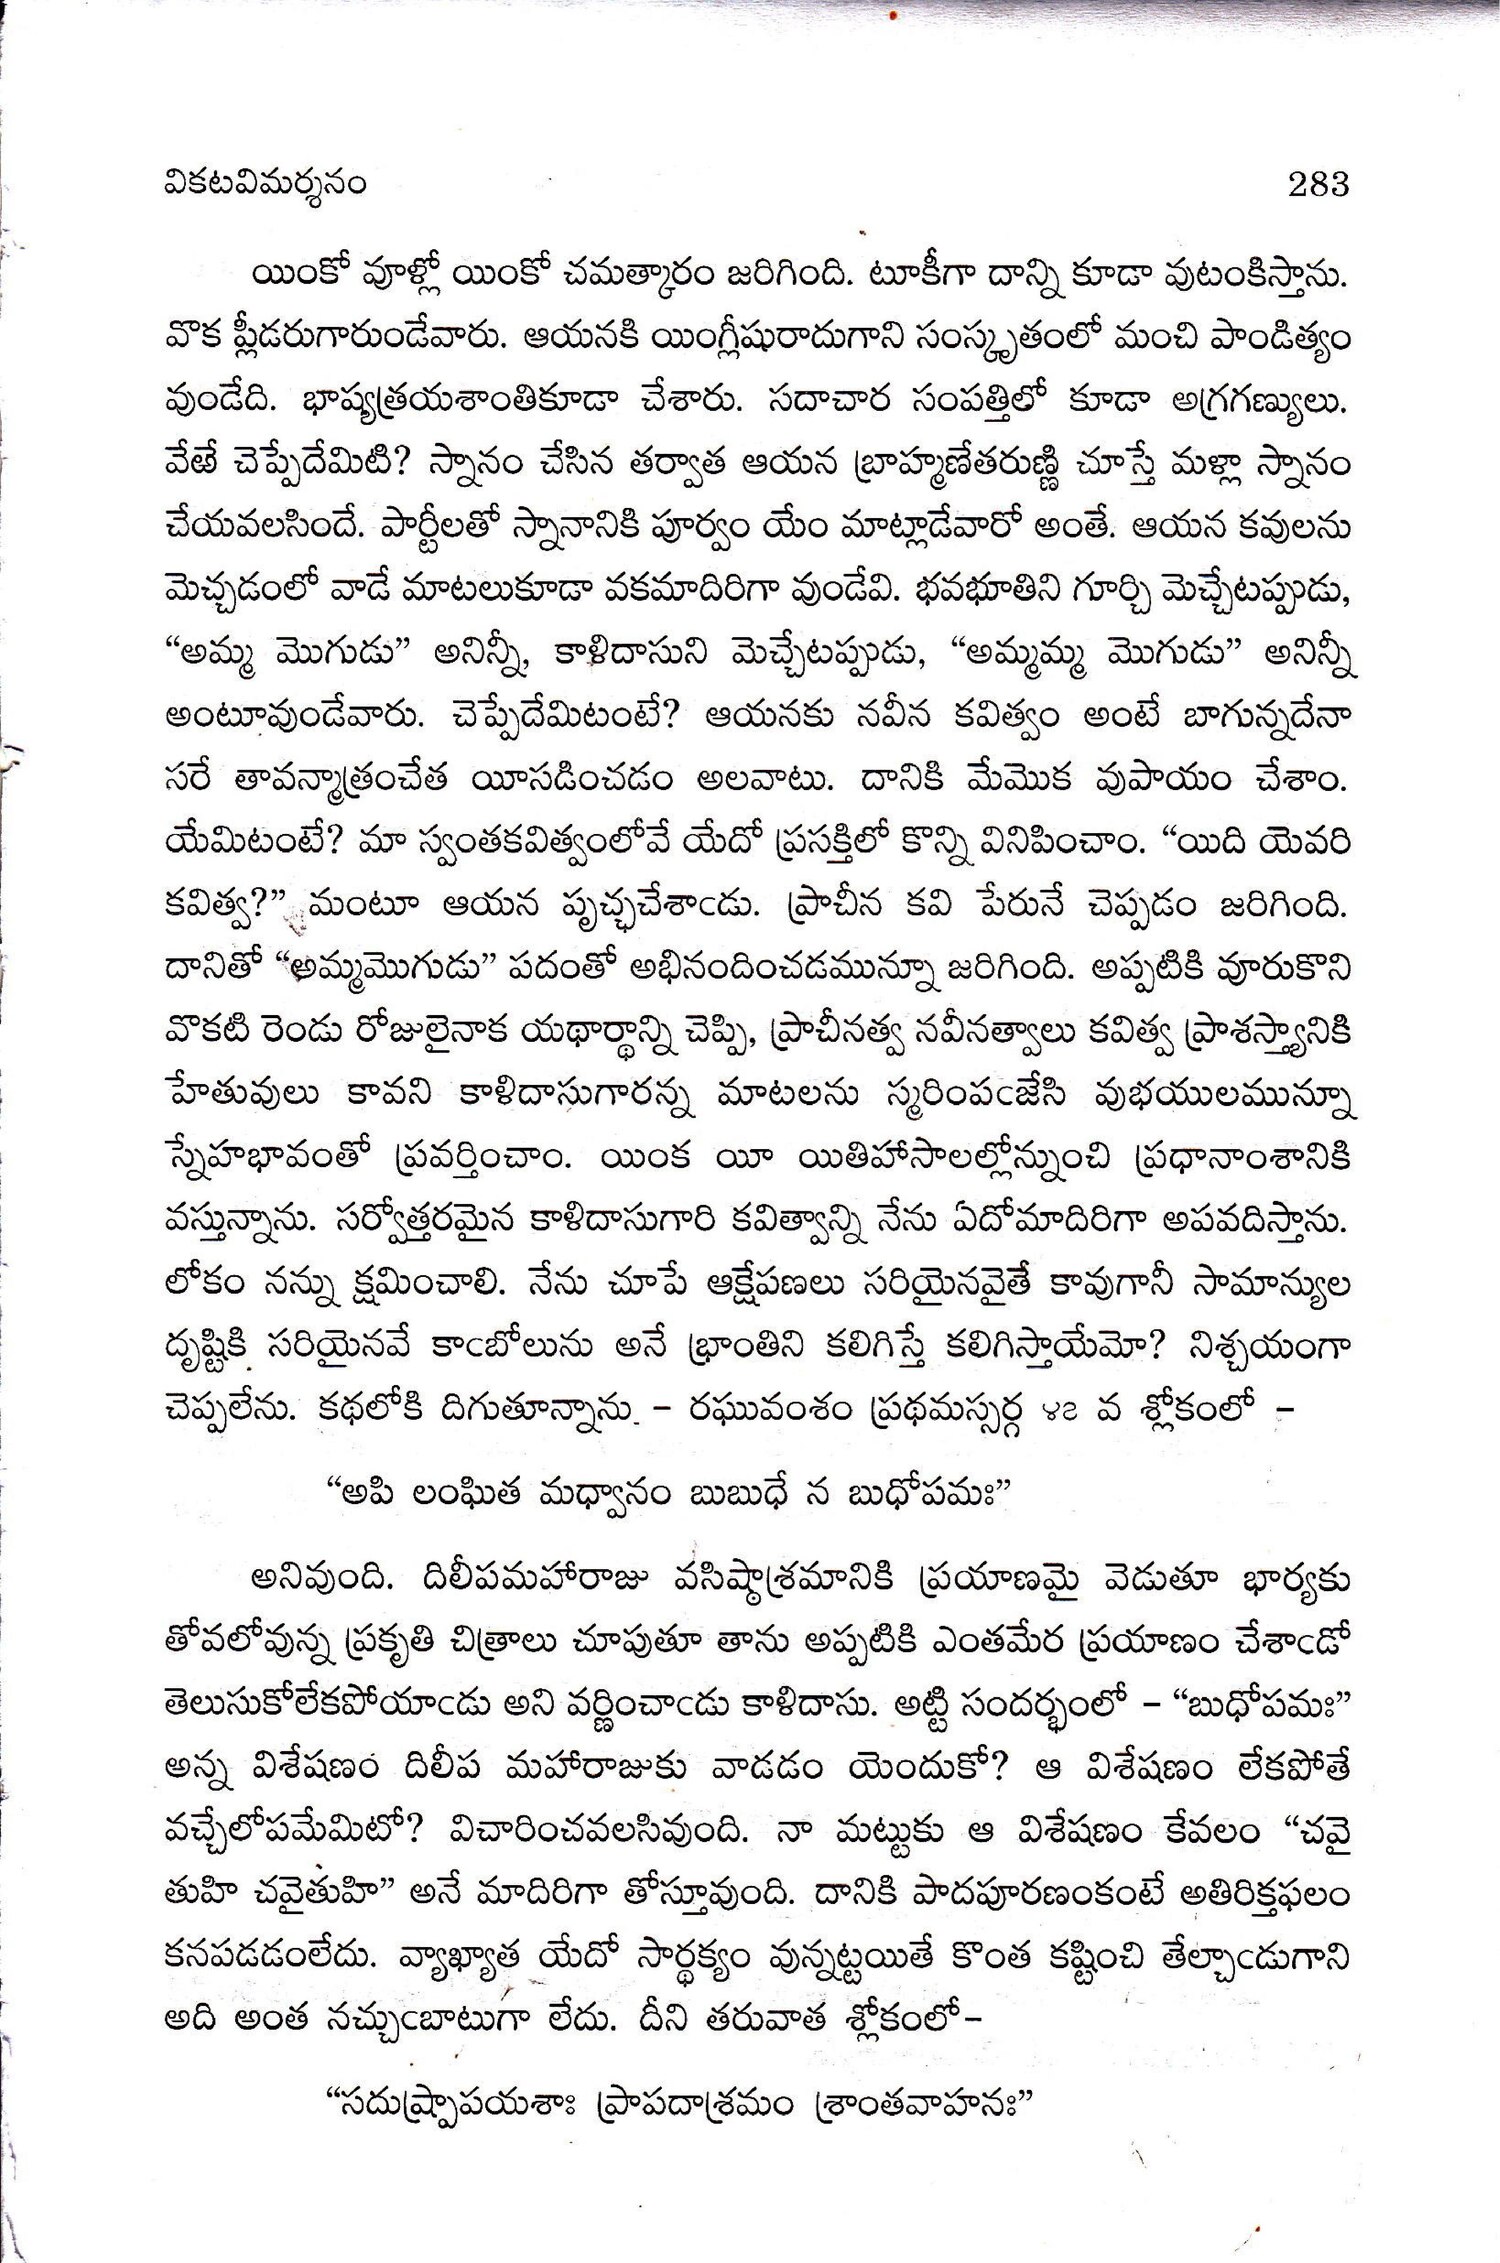యింకో వూళ్లో యింకో చమత్కారం జరిగింది. టూకీగా దాన్ని కూడా వుటంకిస్తాను. వొక ప్లీడరుగారుండేవారు. ఆయనకి యింగ్లీషురాదుగాని సంస్కృతంలో మంచి పాండిత్యం వుండేది. భాష్యత్రయశాంతికూడా చేశారు. సదాచార సంపత్తిలో కూడా అగ్రగణ్యులు. వేఱే చెప్పేదేమిటి? స్నానం చేసిన తర్వాత ఆయన బ్రాహ్మణేతరుణ్ణి చూస్తే మళ్లా స్నానం చేయవలసిందే. పార్టీలతో స్నానానికి పూర్వం యేం మాట్లాడేవారో అంతే. ఆయన కవులను మెచ్చడంలో వాడే మాటలుకూడా వకమాదిరిగా వుండేవి. భవభూతిని గూర్చి మెచ్చేటప్పుడు, “అమ్మ మొగుడు” అనిన్నీ కాళిదాసుని మెచ్చేటప్పుడు, “అమ్మమ్మ మొగుడు” అనిన్నీ అంటూవుండేవారు. చెప్పేదేమిటంటే? ఆయనకు నవీన కవిత్వం అంటే బాగున్నదేనా సరే తావన్మాత్రంచేత యీసడించడం అలవాటు. దానికి మేమొక వుపాయం చేశాం. యేమిటంటే? మా స్వంతకవిత్వంలోవే యేదో ప్రసక్తిలో కొన్ని వినిపించాం. “యిది యెవరి కవిత్వ?"మంటూ ఆయన పృచ్చచేశాఁడు. ప్రాచీన కవి పేరునే చెప్పడం జరిగింది. దానితో “అమ్మమొగుడు" పదంతో అభినందించడమున్నూ జరిగింది. అప్పటికి వూరుకొని వొకటి రెండు రోజులైనాక యథార్థాన్ని చెప్పి, ప్రాచీనత్వ నవీనత్వాలు కవిత్వ ప్రాశస్త్యానికి హేతువులు కావని కాళిదాసుగారన్న మాటలను స్మరింపఁజేసి వుభయులమున్నూ స్నేహభావంతో ప్రవర్తించాం. యింక యీ యితిహాసాలల్లోన్నుంచి ప్రధానాంశానికి వస్తున్నాను. సర్వోత్తరమైన కాళిదాసుగారి కవిత్వాన్ని నేను ఏదోమాదిరిగా అపవదిస్తాను. లోకం నన్ను క్షమించాలి. నేను చూపే ఆక్షేపణలు సరియైనవైతే కావుగానీ సామాన్యుల దృష్టికి సరియైనవే కాఁబోలును అనే భ్రాంతిని కలిగిస్తే కలిగిస్తాయేమో? నిశ్చయంగా చెప్పలేను. కథలోకి దిగుతూన్నాను. - రఘువంశం ప్రథమస్సర్గ 47 వ శ్లోకంలో -

“అపి లంఘిత మధ్వానం బుబుధే న బుధోపమః
అనివుంది. దిలీపమహారాజు వసిష్ఠాశ్రమానికి ప్రయాణమై వెడుతూ భార్యకు తోవలోవున్న ప్రకృతి చిత్రాలు చూపుతూ తాను అప్పటికి ఎంతమేర ప్రయాణం చేశాఁడో తెలుసుకోలేకపోయాఁడు అని వర్ణించాఁడు కాళిదాసు. అట్టి సందర్భంలో - “బుధోపమః" అన్న విశేషణం దిలీప మహారాజుకు వాడడం యెందుకో? ఆ విశేషణం లేకపోతే వచ్చేలోపమేమిటో? విచారించవలసివుంది. నా మట్టుకు ఆ విశేషణం కేవలం “చవైతుహి చమైతుహి" అనే మాదిరిగా తోస్తూవుంది. దానికి పాదపూరణంకంటే అతిరిక్తఫలం కనపడడంలేదు. వ్యాఖ్యాత యేదో సార్ధక్యం వున్నట్టయితే కొంత కష్టించి తేల్చాఁడుగాని అది అంత నచ్చుఁబాటుగా లేదు. దీని తరువాత శ్లోకంలో

"సదుష్ప్రాపయశాః ప్రాపదాశ్రమం శ్రాంతవాహనః"